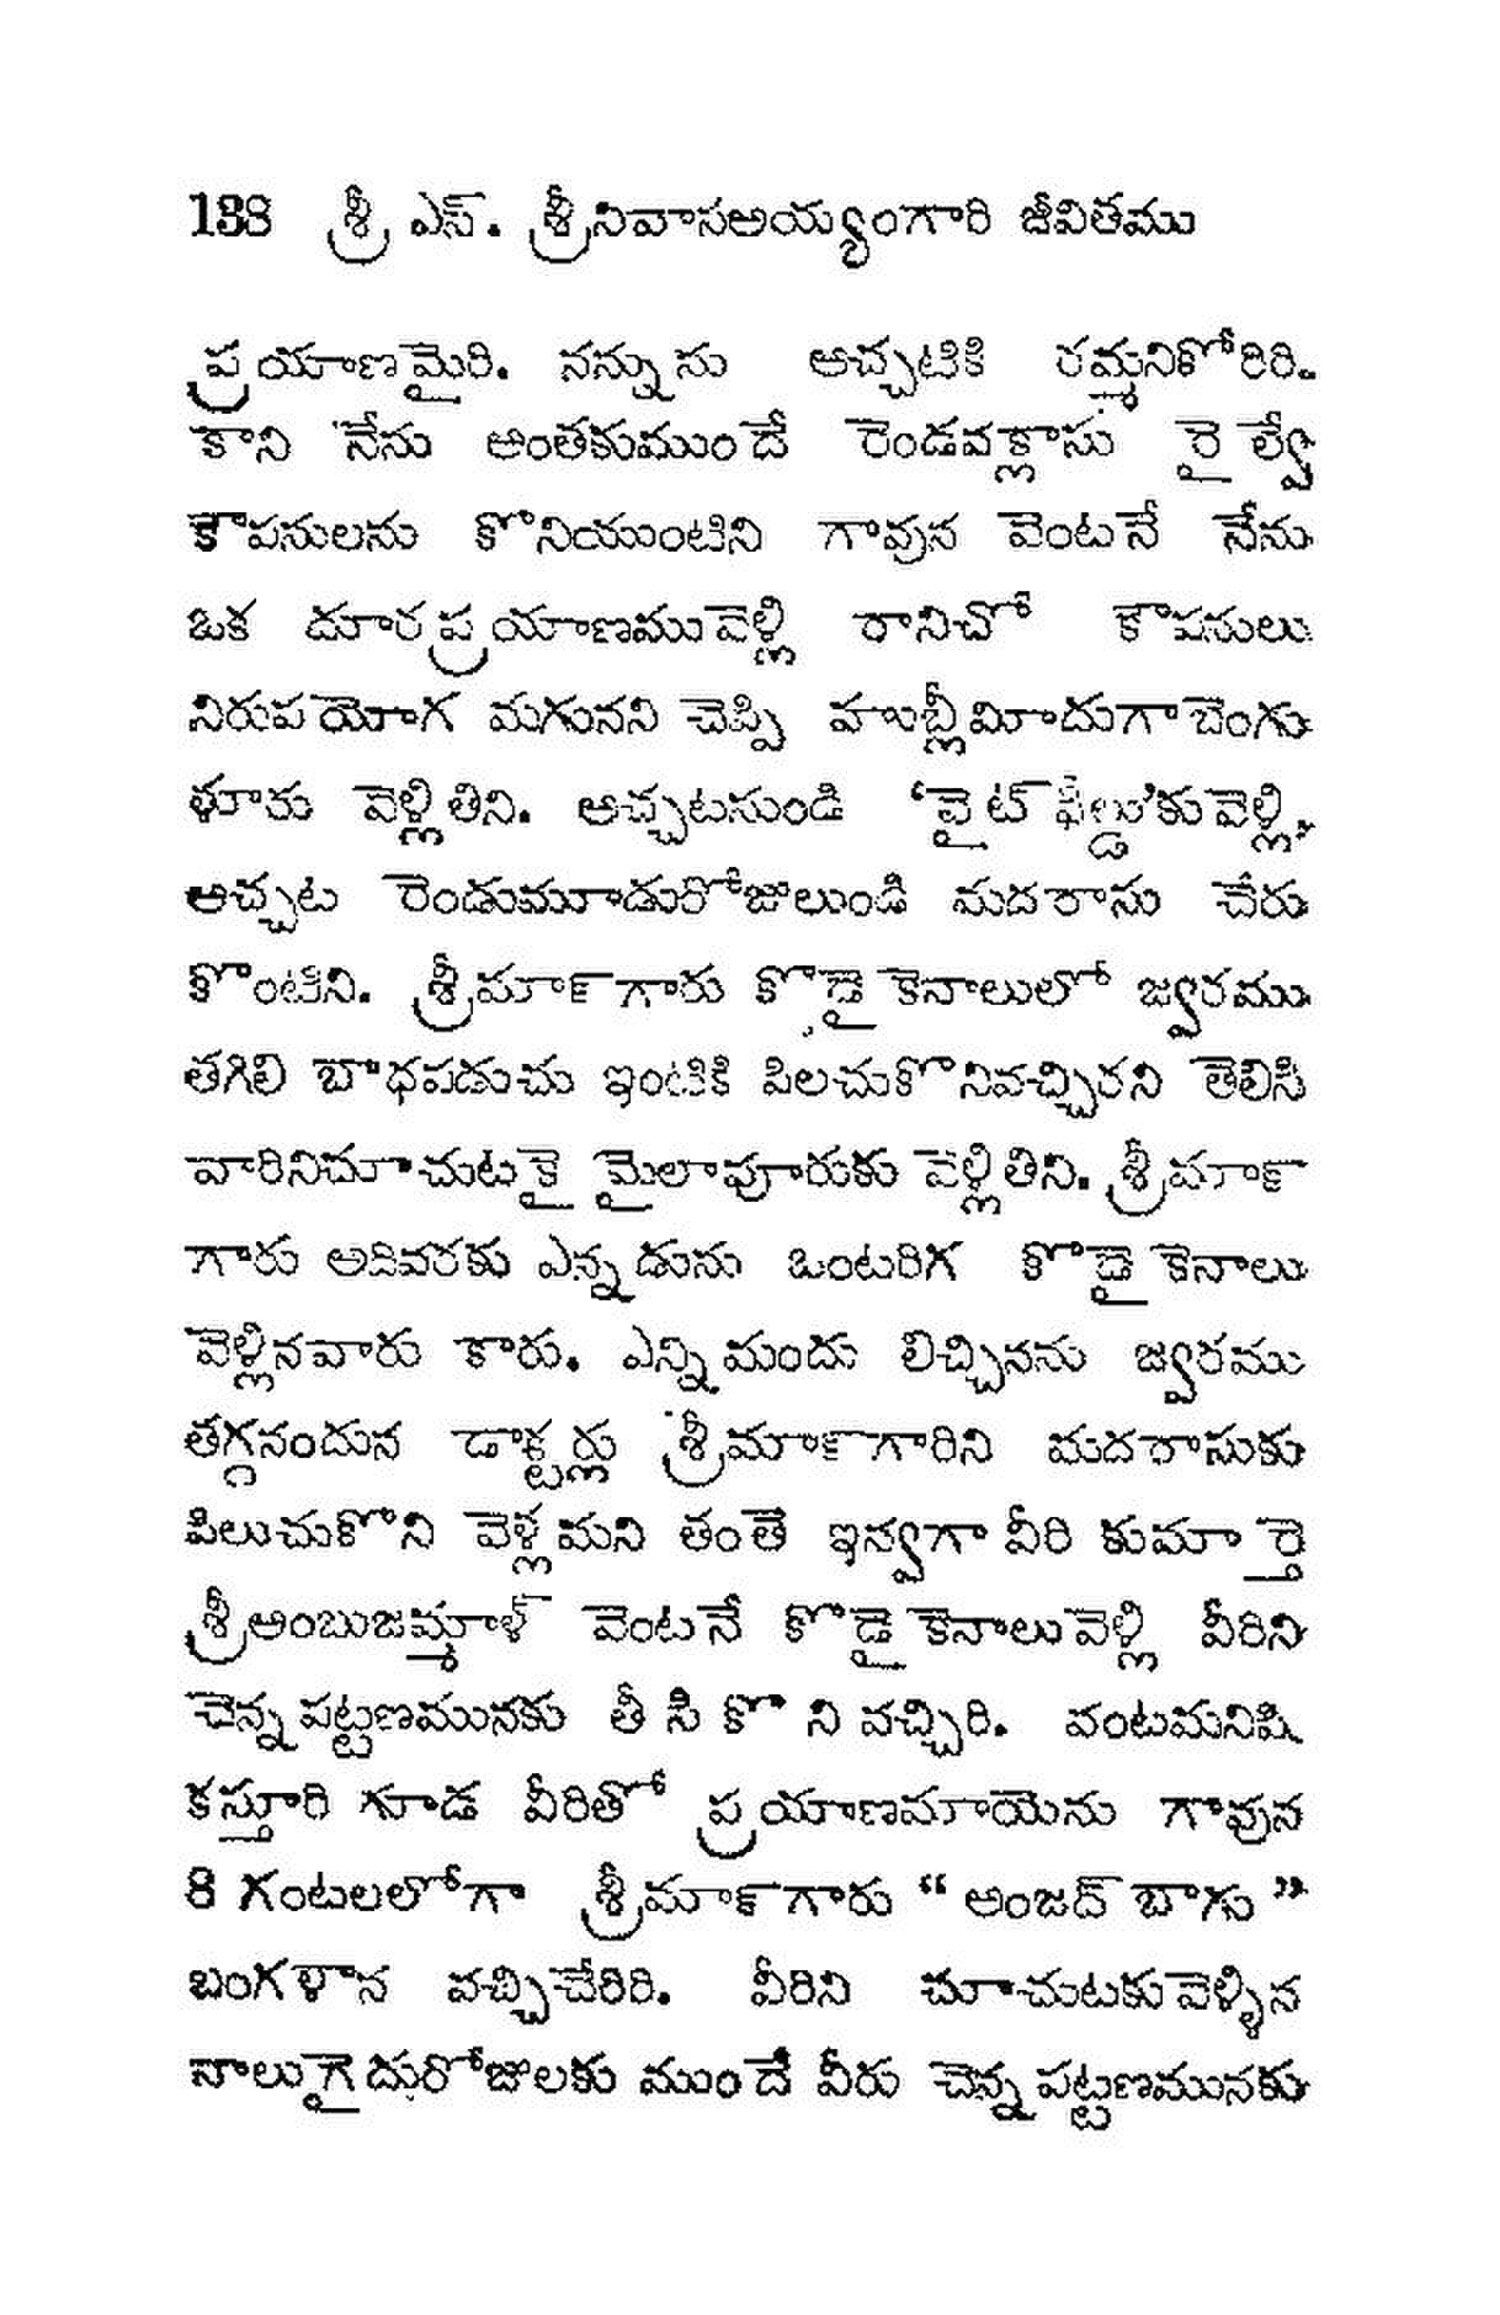ప్రయాణమైరి. నన్నును అచ్చటికి రమ్మనికోరిరి. కాని నేను అంతకుముందే రెండవక్లాసు రైల్వే కౌపనులను కొనియుంటిని గావున వెంటనే నేను ఒక దూర ప్రయాణము వెళ్లి రానిచో కౌపనులు నిరుపయోగ మగునని చెప్పి హుబ్లీమీదుగా బెంగుళూరు వెళ్లితిని. అచ్చటనుండి 'వైట్ ఫీల్డు'కువెళ్లి, అచ్చట రెండుమూడురోజులుండి మదరాసు చేరుకొంటిని. శ్రీమా౯గారు కొడైకెనాలులో జ్వరము తగిలి బాధపడుచు ఇంటికి పిలచుకొనివచ్చిరని తెలిసి వారినిచూచుటకై మైలాపూరుకు వెళ్లితిని. శ్రీమా౯గారు అదివరకు ఎన్నడును ఒంటరిగ కొడైకెనాలు వెళ్లినవారు కారు. ఎన్నిమందు లిచ్చినను జ్వరము తగ్గనందున డాక్టర్లు శ్రీమా౯గారిని మదరాసుకు పిలుచుకొని వెళ్లమని తంతె ఇవ్వగా వీరి కుమార్తె శ్రీఅంబుజమ్మాళ్ వెంటనే కొడైకెనాలు వెళ్లి వీరిని చెన్నపట్టణమునకు తీసికొనివచ్చిరి. వంటమనిషి కస్తూరి గూడ వీరితో ప్రయాణమాయెను గావున 8 గంటలలోగా శ్రీమా౯ గారు "అంజద్ బాగు” బంగళాన వచ్చిచేరిరి. వీరిని చూచుటకువెళ్ళిన నాలుగైదు రోజులకు ముందే వీరు చెన్నపట్టణమునకు